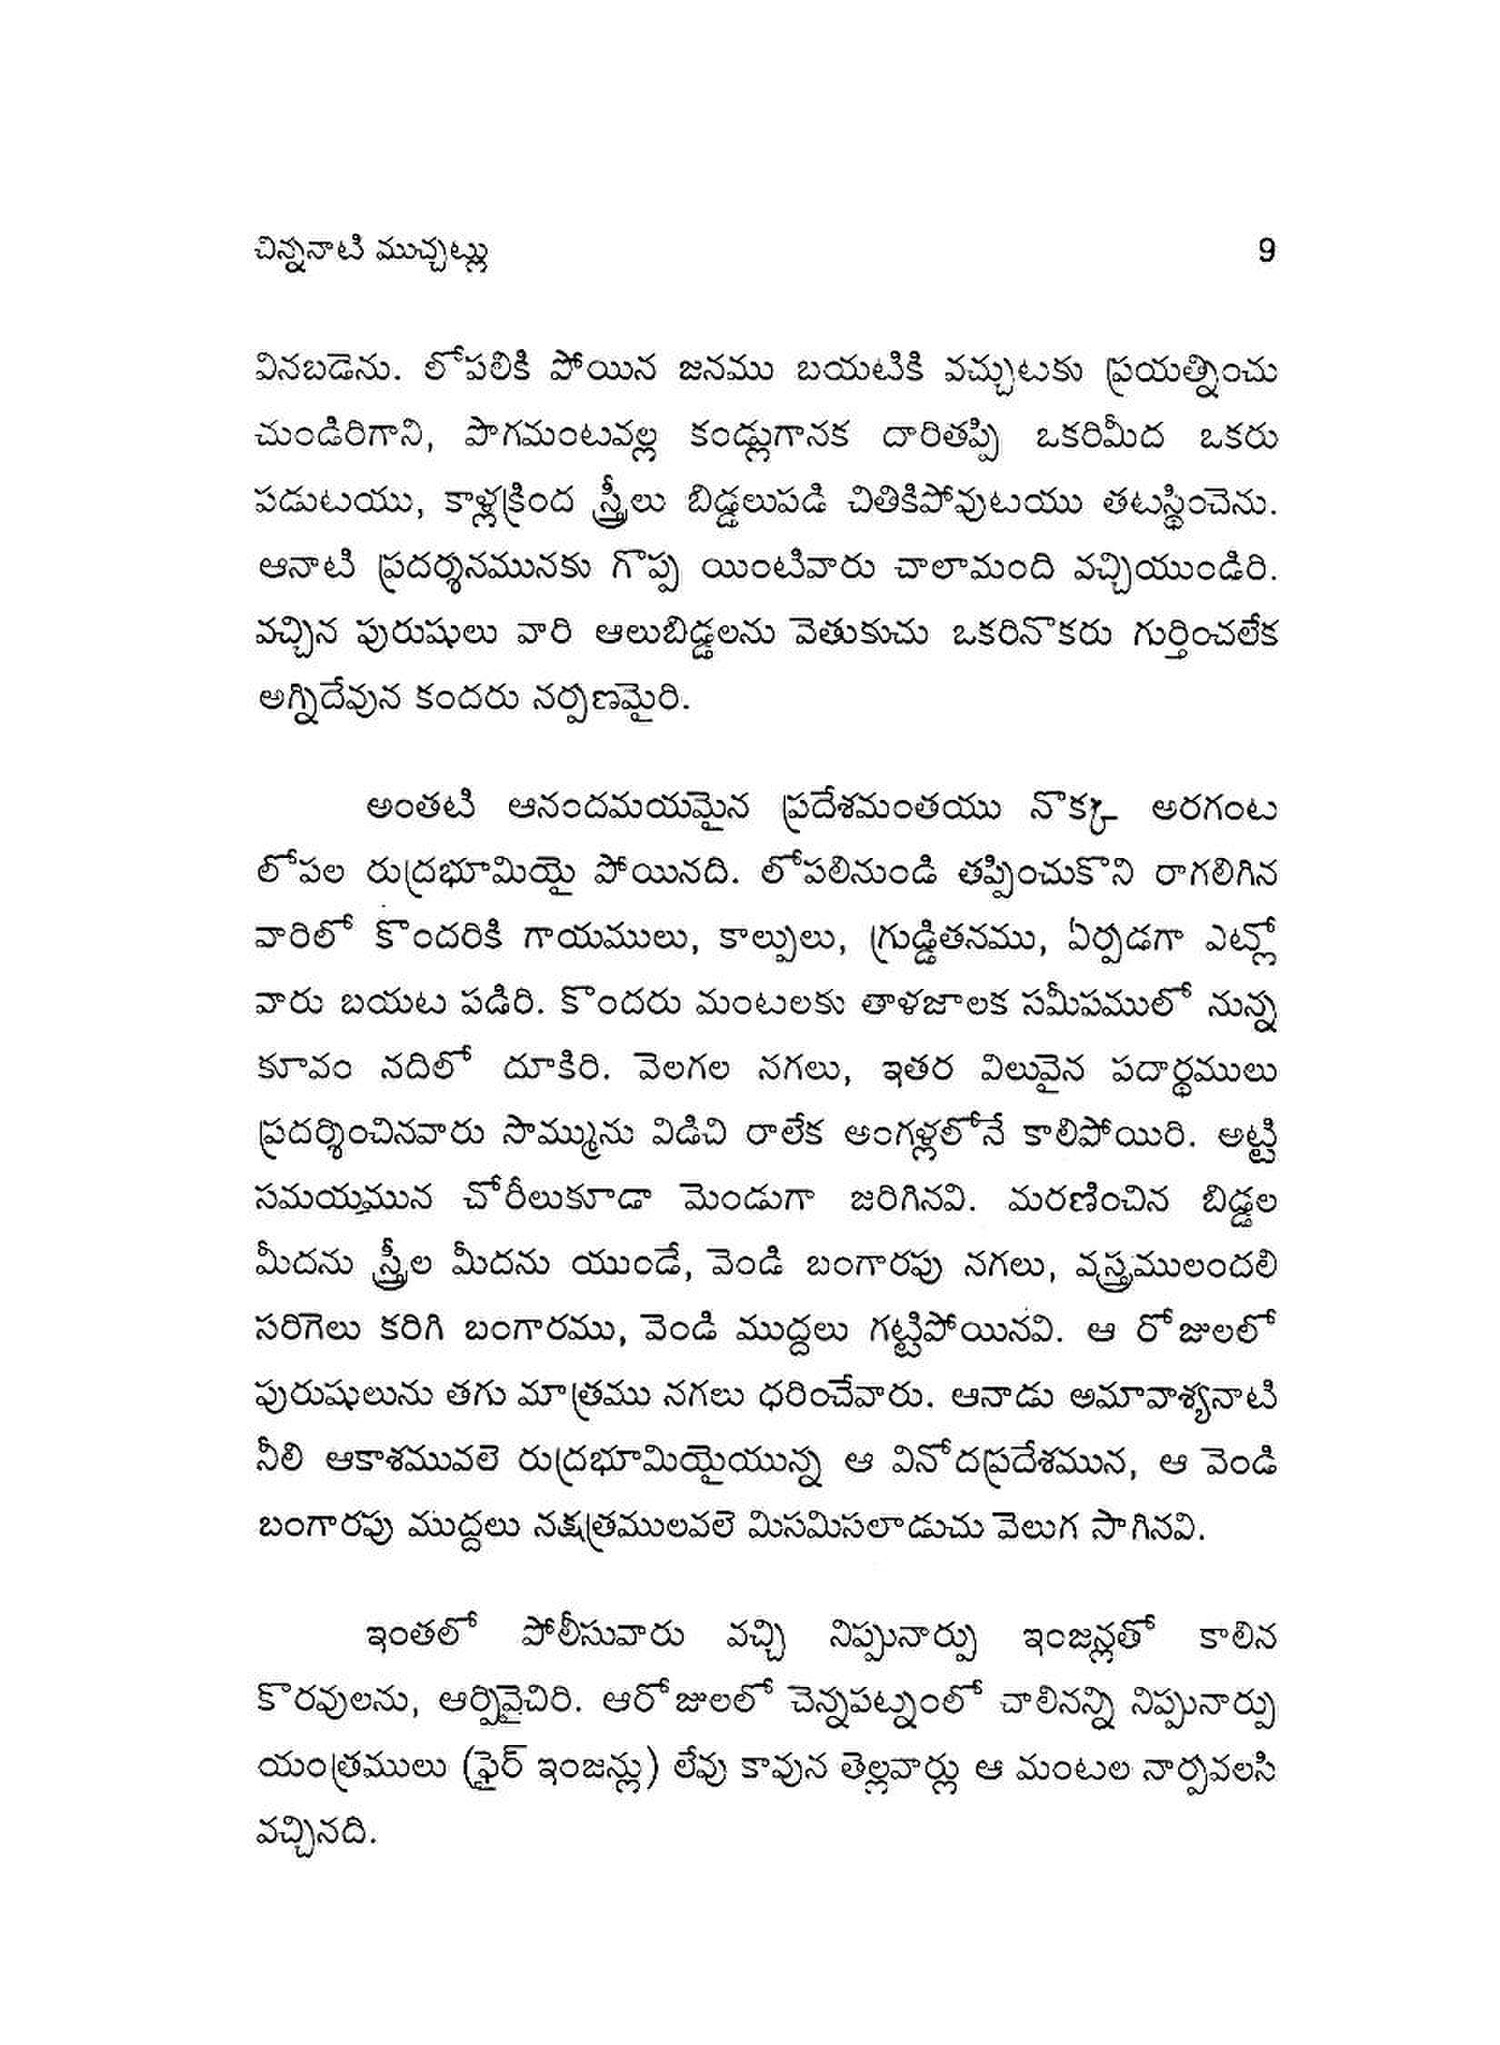వినబడెను. లోపలికి పోయిన జనము బయటికి వచ్చుటకు ప్రయత్నించు చుండిరిగాని, పొగమంటవల్ల కండ్లుగానక దారితప్పి ఒకరిమీద ఒకరు పడుటయు, కాళ్లక్రింద స్త్రీలు బిడ్డలుపడి చితికిపోవుటయు తటస్థించెను. ఆనాటి ప్రదర్శనమునకు గొప్ప యింటివారు చాలామంది వచ్చియుండిరి. వచ్చిన పురుషులు వారి ఆలుబిడ్డలను వెతుకుచు ఒకరినొకరు గుర్తించలేక అగ్నిదేవున కందరు నర్పణమైరి.

అంతటి ఆనందమయమైన ప్రదేశమంతయు నొక్క అరగంట లోపల రుద్రభూమియై పోయినది. లోపలినుండి తప్పించుకొని రాగలిగిన వారిలో కొందరికి గాయములు, కాల్పులు, గ్రుడ్డితనము, ఏర్పడగా ఎట్లో వారు బయట పడిరి. కొందరు మంటలకు తాళజాలక సమీపములో నున్న కూవం నదిలో దూకిరి. వెలగల నగలు, ఇతర విలువైన పదార్ధములు ప్రదర్శించినవారు సొమ్మును విడిచి రాలేక అంగళ్లలోనే కాలిపోయిరి. అట్టి సమయమున చోరీలుకూడా మెండుగా జరిగినవి. మరణించిన బిడ్డల మీదను స్త్రీల మీదను యుండే, వెండి బంగారపు నగలు, వస్త్రములందలి సరిగెలు కరిగి బంగారము, వెండి ముద్దలు గట్టిపోయినవి. ఆ రోజులలో పురుషులును తగు మాత్రము నగలు ధరించేవారు. ఆనాడు అమావాశ్యనాటి నీలి ఆకాశమువలె రుద్రభూమియైయున్న ఆ వినోదప్రదేశమున, ఆ వెండి బంగారపు ముద్దలు నక్షత్రములవలె మిసమిసలాడుచు వెలుగసాగినవి.

ఇంతలో పోలీసువారు వచ్చి నిప్పునార్పు ఇంజన్లతో కాలిన కొరవులను, ఆర్పివైచిరి. ఆరోజులలో చెన్నపట్నంలో చాలినన్ని నిప్పునార్పు యంత్రములు (ఫైర్ ఇంజన్లు) లేవు కావున తెల్లవార్లు ఆ మంటల నార్పవలసి వచ్చినది.